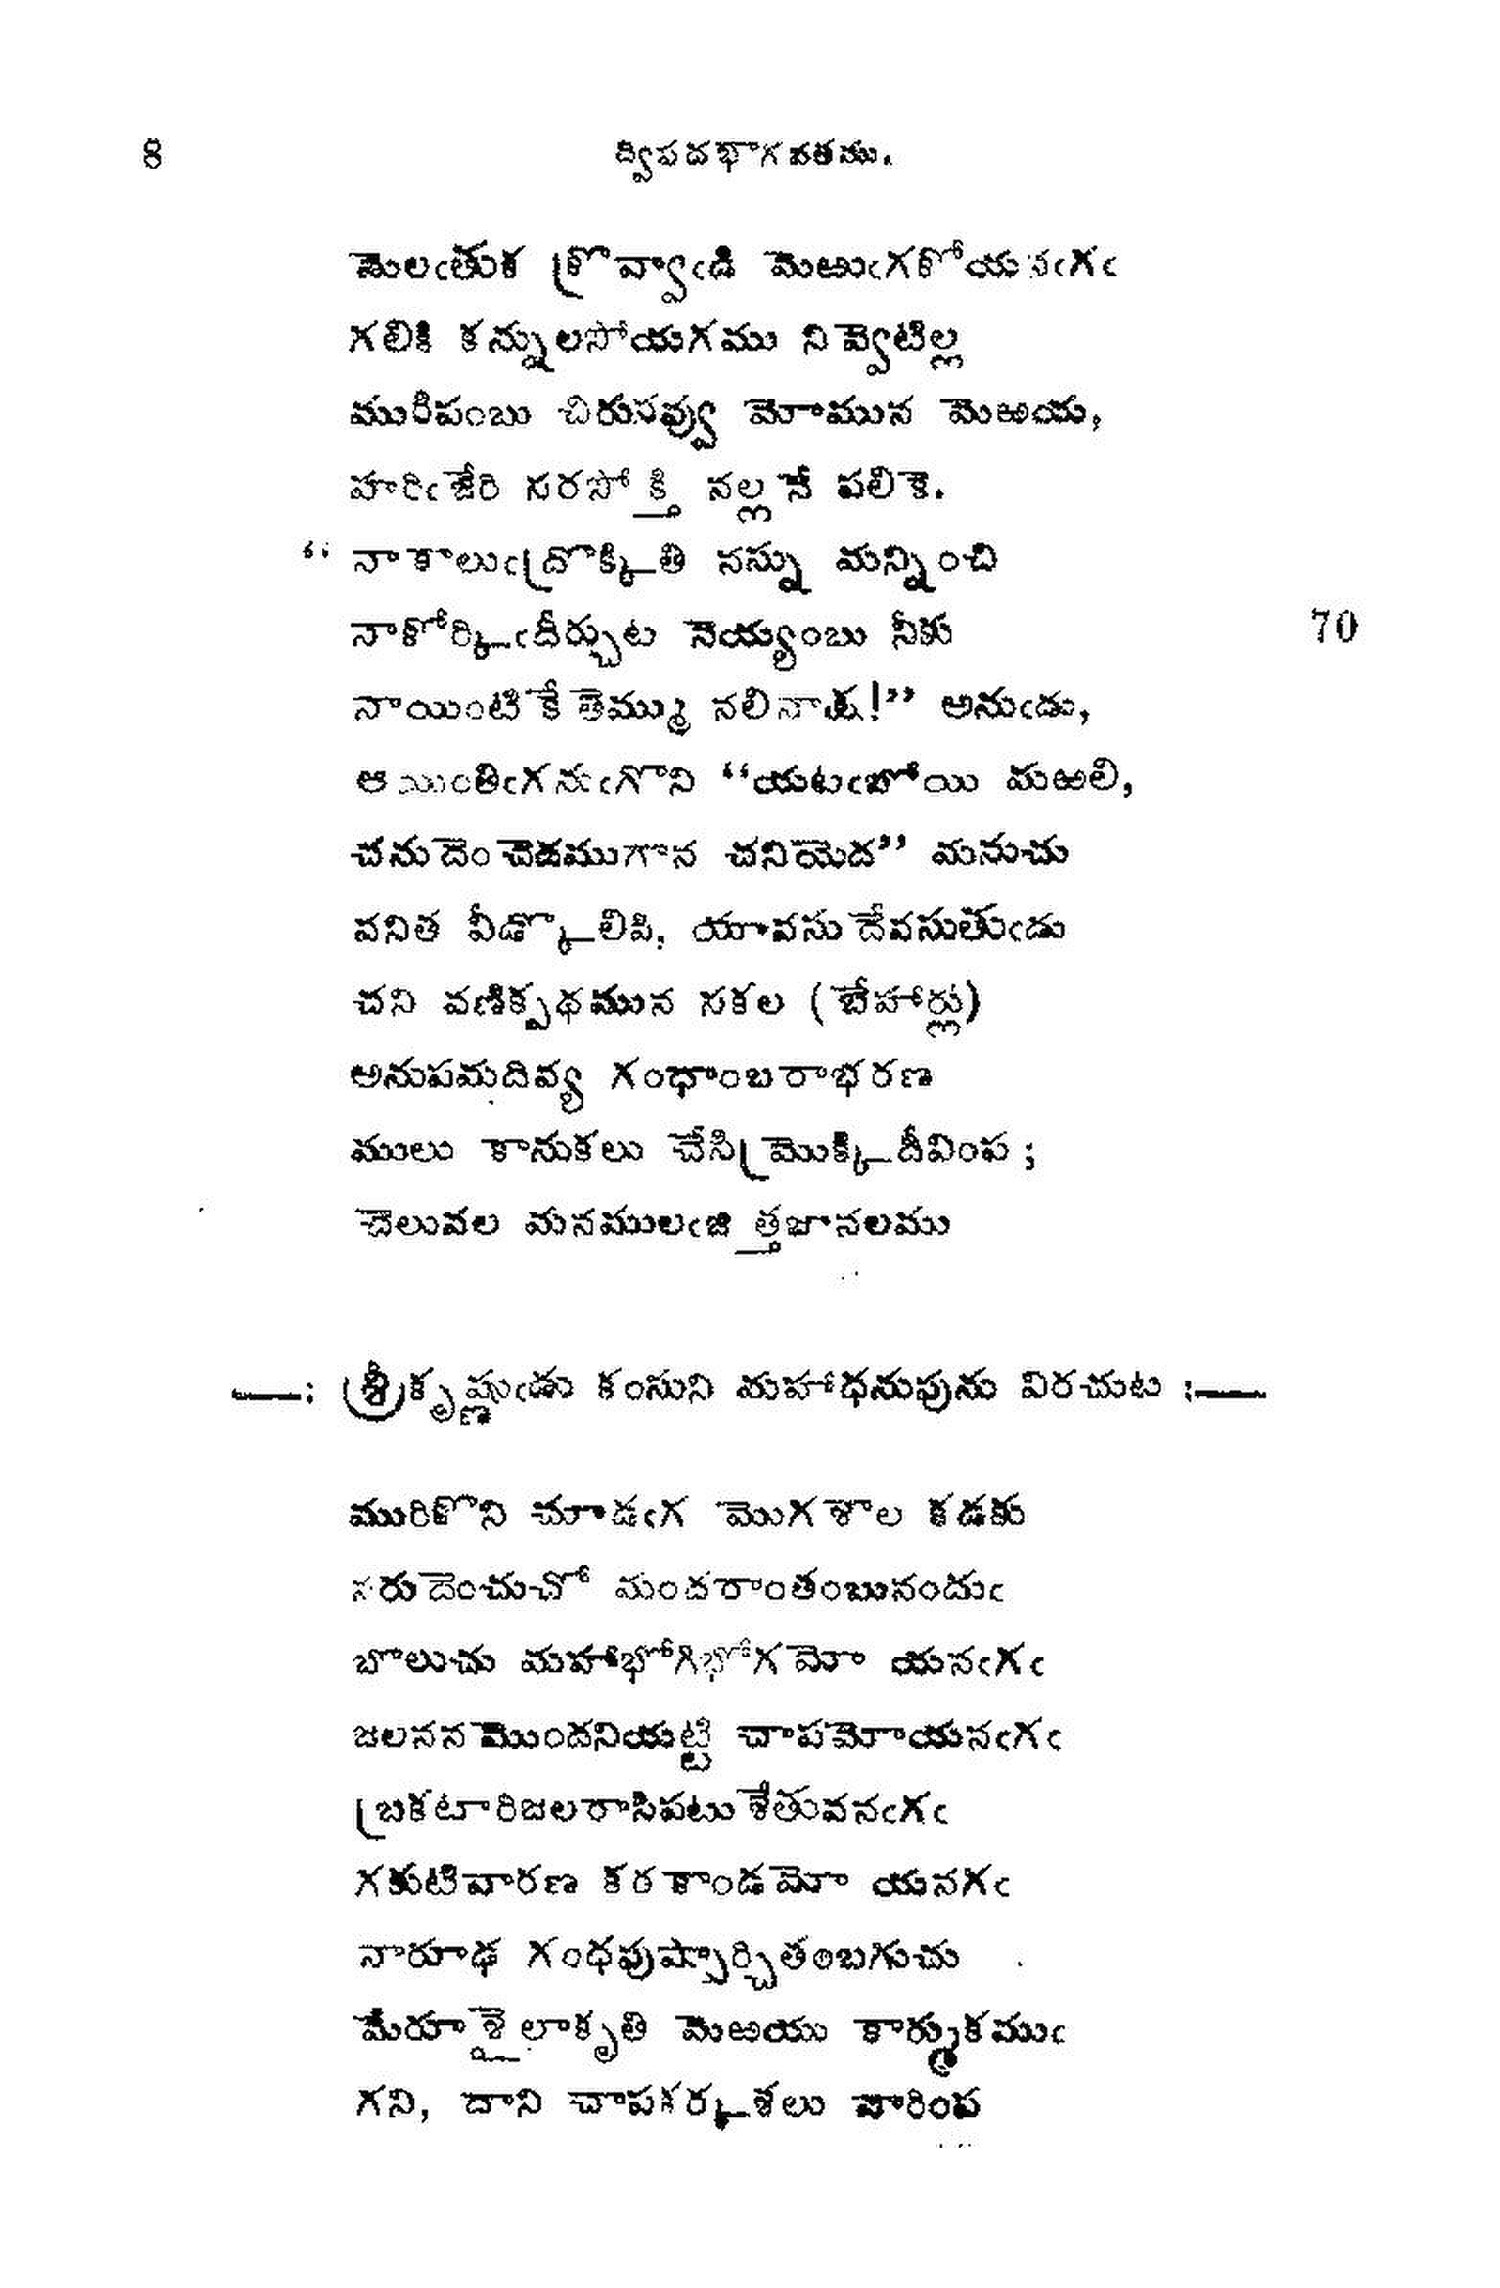మెలఁతుక క్రొవ్వాఁడి మెఱుఁగకోయనఁగఁ
గలికి కన్నులసోయగము నివ్వెటిల్ల
మురిపంబు చిరునవ్వు మోమున మెఱయ,
హరిఁ జేరి సరసోక్తి నల్లనే పలికె.
“నా కాలుఁ ద్రొక్కితి నన్ను మన్నించి
నాకోర్కిఁదీర్చుట నెయ్యంబు నీకు
నాయింటి కేతెమ్ము నలినాక్ష!” అనుఁడు,
ఆయింతిఁ గనుగొని “యటఁబోయి మఱలి,
చనుదెంచెదముగాన చనియెద” మనుచు
వనిత వీడ్కొలిపి, యావసుదేవసుతుఁడు
చని వణిక్పథమున సకల(బేహార్లు)
అనుపమదివ్యగంధాంబరాభరణ
ములు కానుకలు చేసి మ్రొక్కి దీవింప;
చెలువల మనములఁ జిత్తజానలము

మురిగొని చూడఁగ మొగశాల కడకు
నరుదెంచుచో మందరాంతంబునందుఁ
బొలుచు మహాభోగిభోగమో యనఁగఁ
జలననమొందనియట్టి చాపమో యనఁగఁ
బ్రకటారిజలరాసిపటుశేతు వనఁగఁ
గకుటివారణకరకాండమో యనగఁ
నారూఢగంధపుష్పార్చితం బగుచు
మేరూశైలాగృతి మెఱయు కార్ముకముఁ
గని, దాని చాపకర్కశలు వారింప